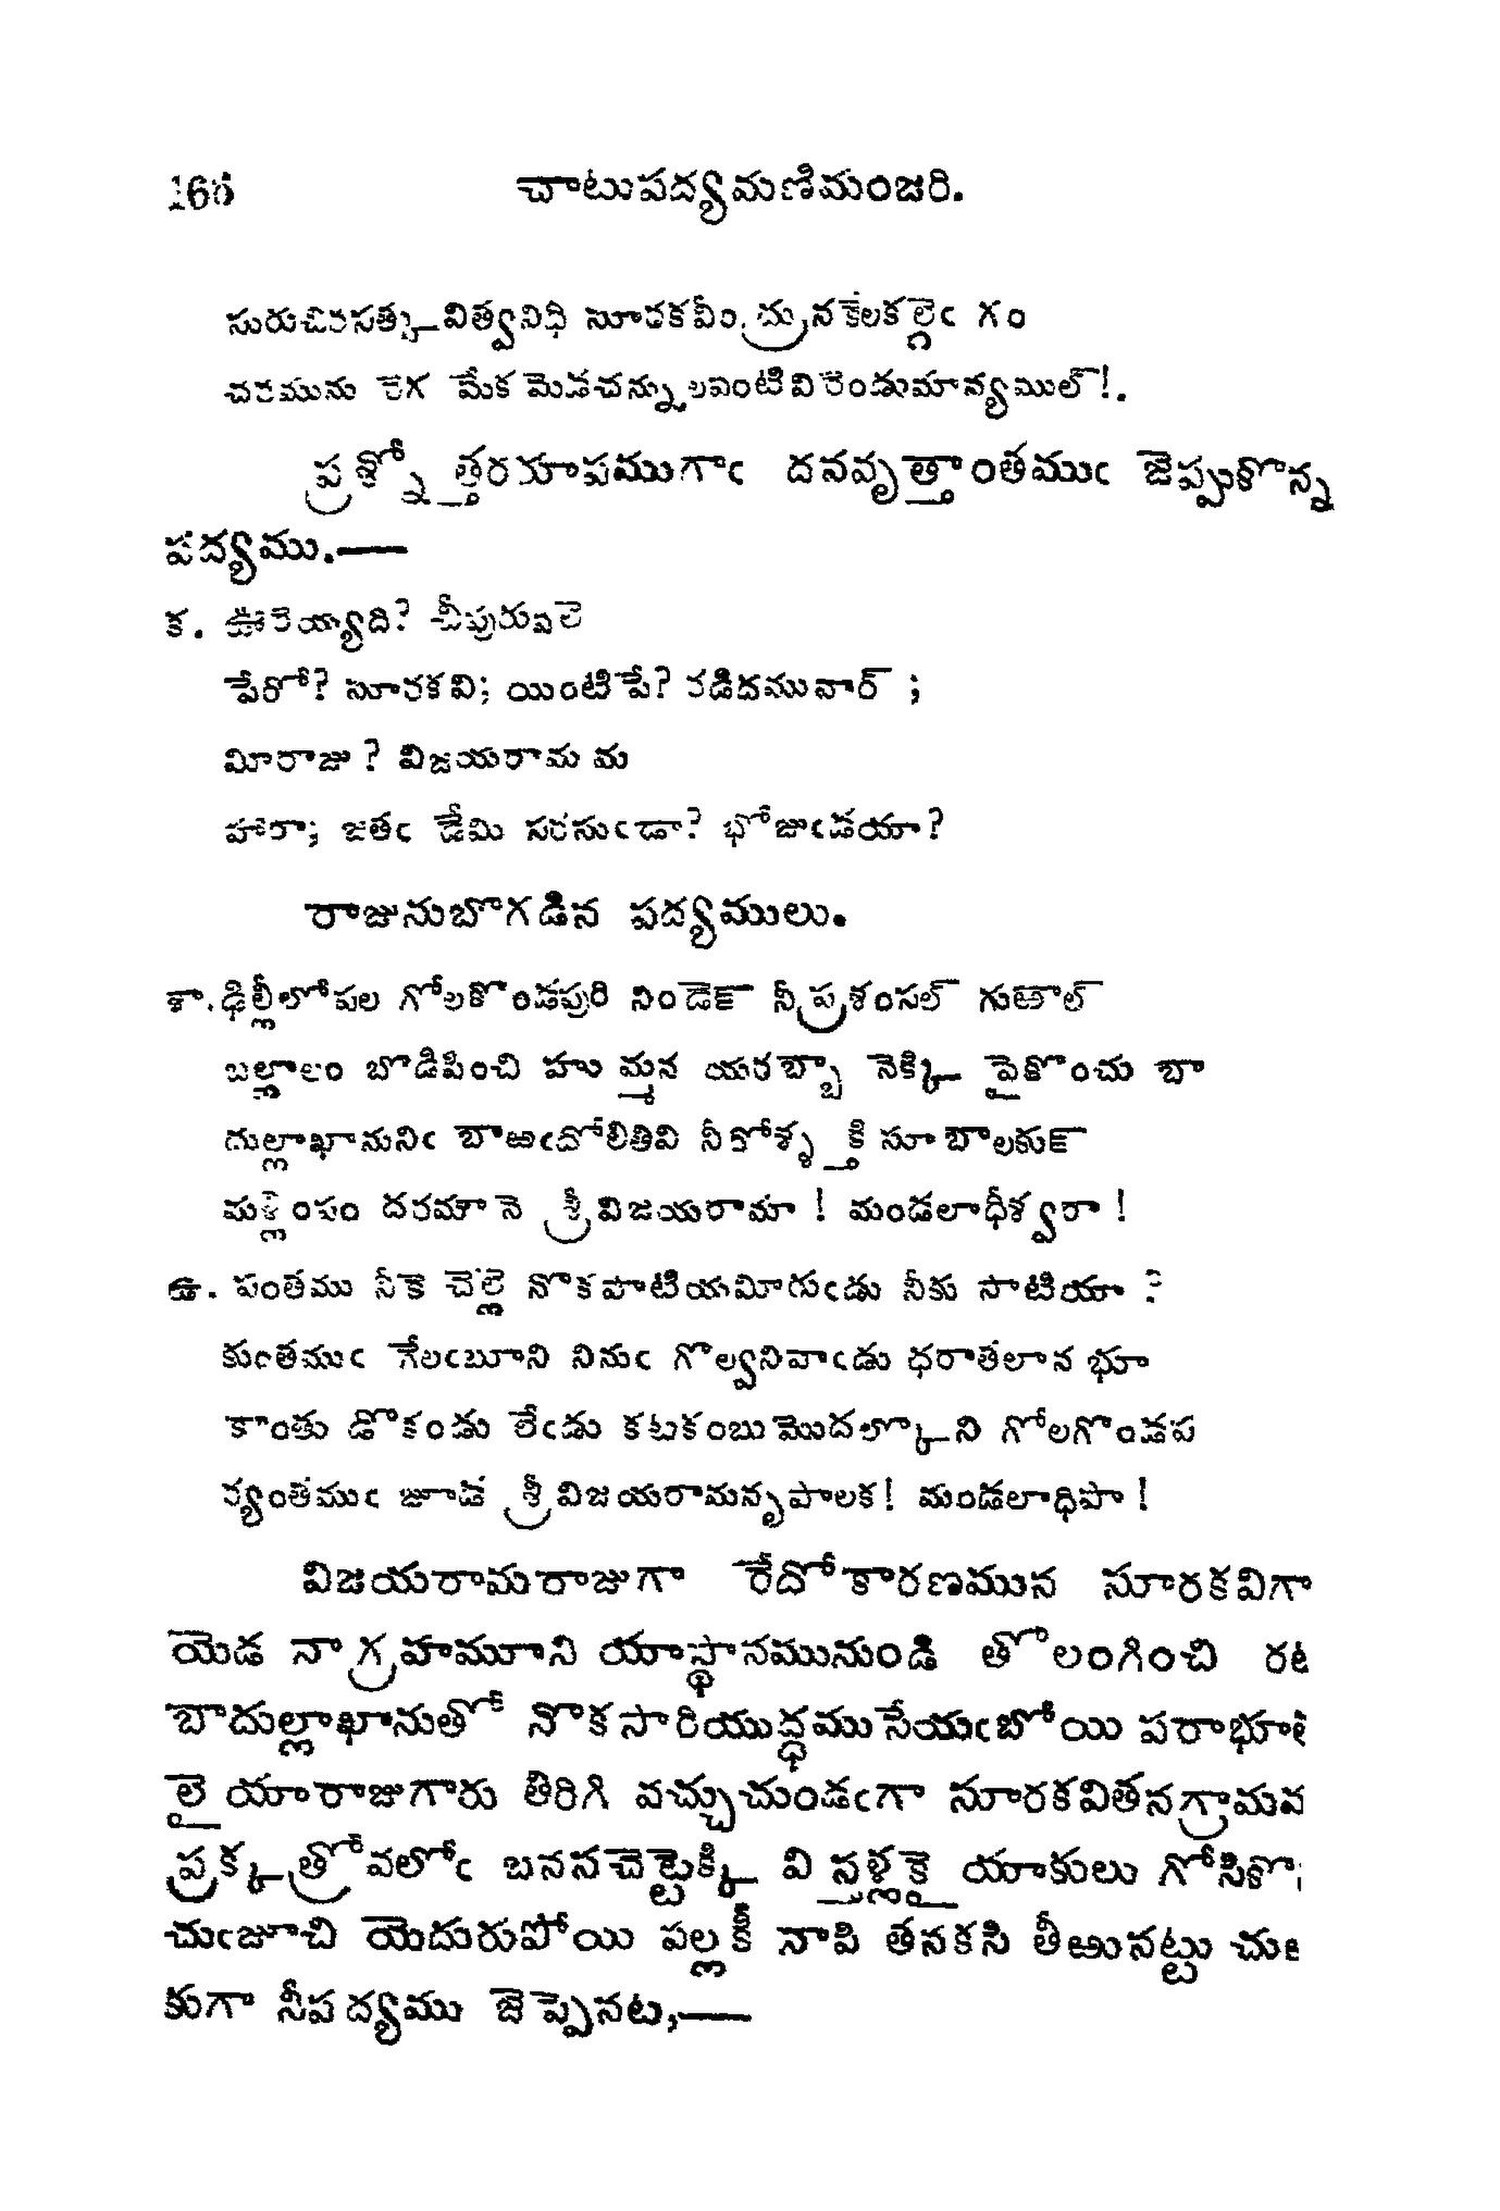సురుచిరసత్కవిత్వనిధి సూరకవీంద్రున కేల కల్గెఁ గం
 చరమును రేగ మేకమెడచన్నులవంటివి రెండుమాన్యముల్!
ప్రశ్నోత్తరరూపముగాఁ దనవృత్తాంతముఁ జెప్పుకొన్న పద్యము—
క. ఊరెయ్యది? చీపురువలె
 పేరో? సూరకవి; యింటిపే? రడిదమువార్;
 మీరాజు? విజయరామ మ
 హారా; జతఁ డేమి సరసుఁడా? భోజుఁడయా.
రాజును బొగడినపద్యములు
శా. ఢిల్లీలోపల గోలకొండపురి నిండెన్ నీప్రశంసల్ గుఱాల్
 బల్లాలం బొడిపించి హు మ్మన యరబ్బా నెక్కి పైకొంచు బా
 దుల్లాఖానునిఁ బాఱఁదోలితివి నీదోశ్శక్తి సూబాలకున్
 మళ్ళింపం దరమౌనె శ్రీవిజయరామా! మండలాధీశ్వరా!
ఉ. పంతము నీకె చెల్లె నొకపాటియమీరుఁడు నీకు సాటియా?
 కుంతముఁ గేలఁ బూని నినుఁ గొల్వనివాఁడు ధరాతలాన భూ
 కాంతుఁ డొకండు లేఁడు కటకంబు మొదల్కొని గోలకొండప
 ర్యంతముఁ జూడ శ్రీవిజయరామనృపాలక! మండలాధిపా!
విజయరామరాజుగా రేదోకారణమున సూరకవిగారియెడ నాగ్రహమూని యాస్థానమునుండి తొలంగించిరఁట! బాదుల్లాఖానుతో నొకసారి యుద్ధము సేయఁబోయి పరాభూతులై యారాజుగారు తిరిగి వచ్చుచుండఁగా సూరకవి తనగ్రామముప్రక్క త్రోవలోఁ బనసచెట్టెక్కి విస్తళ్ళకై యాకులు గోసికొనుచుఁ జూచి యెదురుపోయి పల్లకీ నాపి తనకసి తీఱునట్లు చుఱుకుగా నీపద్యమును జెప్పెనఁట—